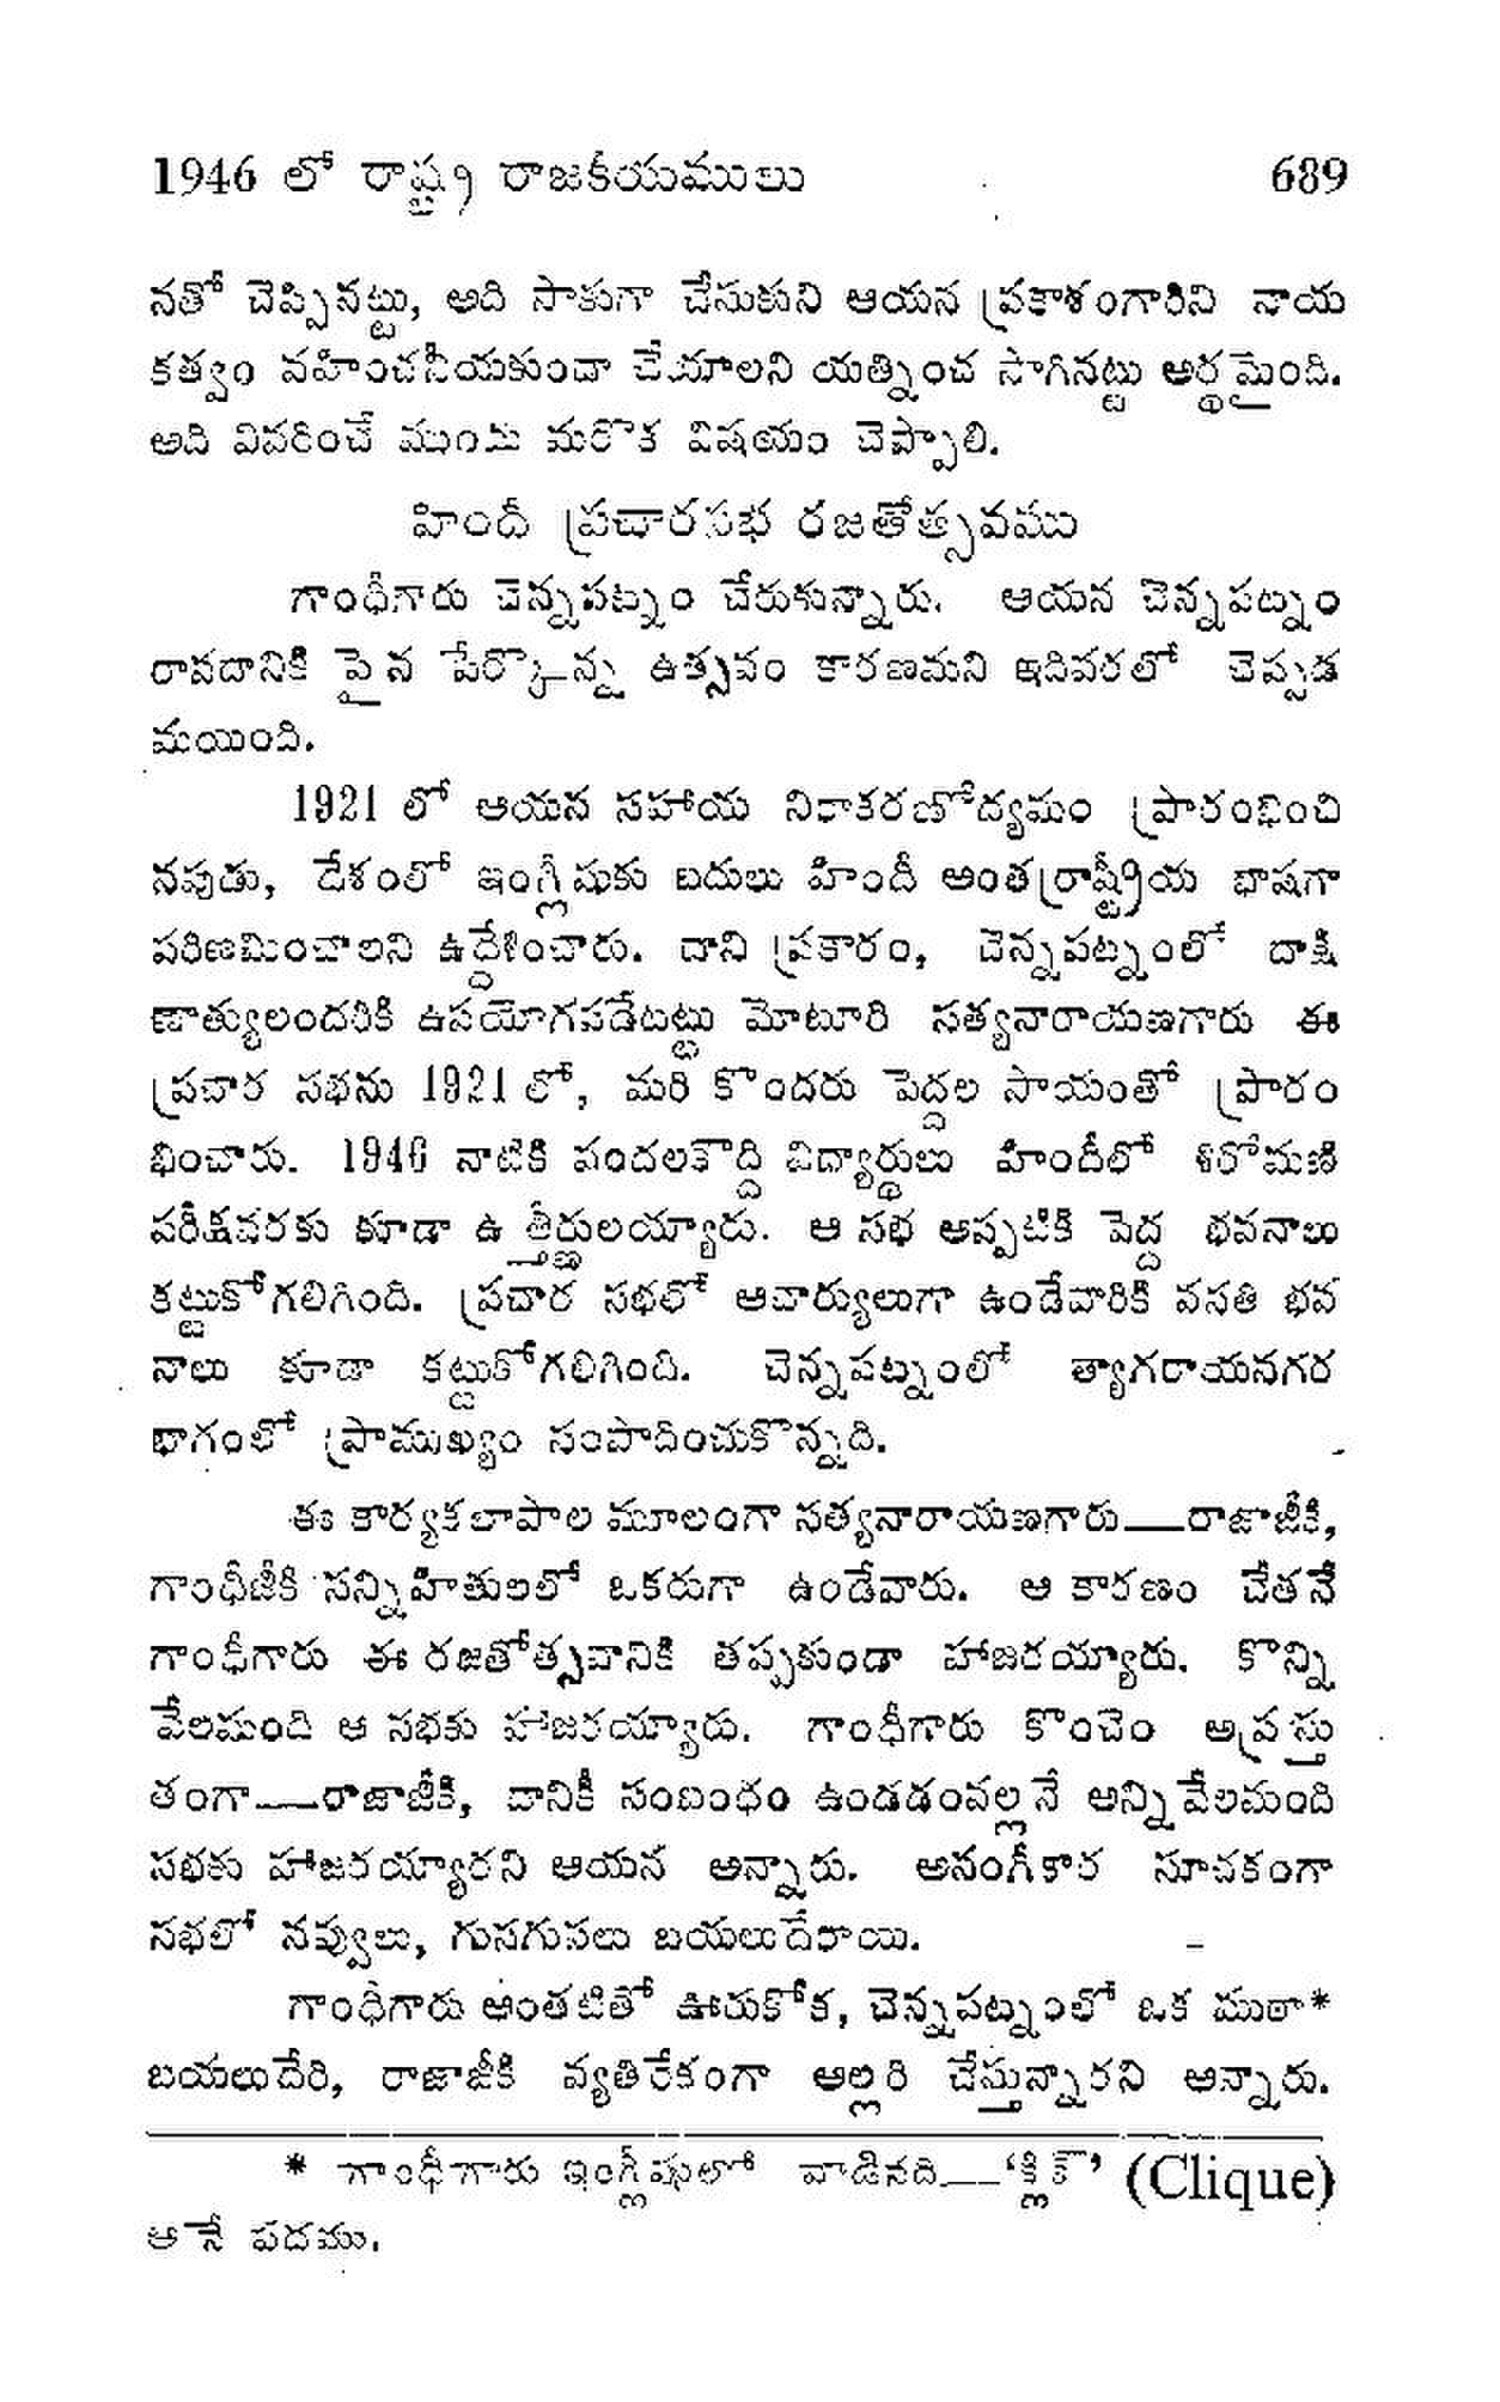నతో చెప్పినట్టు, అది సాకుగా చేసుకుని ఆయన ప్రకాశంగారిని నాయకత్వం వహించనీయకుండా చేయాలని యత్నించ సాగినట్టు అర్థమైంది. అది వివరించే ముందు మరొక విషయం చెప్పాలి.

గాంధీగారు చెన్నపట్నం చేరుకున్నారు. ఆయన చెన్నపట్నం రావడానికి పైన పేర్కొన్న ఉత్సవం కారణమని ఇదివరలో చెప్పడమయింది.

1921 లో ఆయన సహాయ నిరాకరణోద్యమం ప్రారంభించినపుడు, దేశంలో ఇంగ్లీషుకు బదులు హిందీ అంతర్రాష్ట్రీయ భాషగా పరిణమించాలని ఉద్దేశించారు. దాని ప్రకారం, చెన్నపట్నంలో దాక్షిణాత్యులందరికి ఉపయోగపడేటట్టు మోటూరి సత్యనారాయణగారు ఈ ప్రచార సభను 1921 లో, మరి కొందరు పెద్దల సాయంతో ప్రారంభించారు. 1946 నాటికి వందలకొద్ది విద్యార్థులు హిందీలో శిరోమణి పరీక్షవరకు కూడా ఉత్తీర్ణులయ్యారు. ఆ సభ అప్పటికి పెద్ద భవనాలు కట్టుకోగలిగింది. ప్రచార సభలో ఆచార్యులుగా ఉండేవారికి వసతి భవనాలు కూడా కట్టుకోగలిగింది. చెన్నపట్నంలో త్యాగరాయనగర భాగంలో ప్రాముఖ్యం సంపాదించుకొన్నది.

ఈ కార్యకలాపాల మూలంగా సత్యనారాయణగారు - రాజాజీకి, గాంధీజీకి సన్నిహితులలో ఒకరుగా ఉండేవారు. ఆ కారణం చేతనే గాంధీగారు ఈ రజతోత్సవానికి తప్పకుండా హాజరయ్యారు. కొన్ని వేలమంది ఆ సభకు హాజరయ్యారు. గాంధీగారు కొంచెం అప్రస్తుతంగా - రాజాజీకి, దానికీ సంబంధం ఉండడంవల్లనే అన్ని వేలమంది సభకు హాజరయ్యారని ఆయన అన్నారు. అనంగీకార సూచకంగా సభలో నవ్వులు, గుసగుసలు బయలుదేరాయి.

గాంధీగారు అంతటితో ఊరుకోక, చెన్నపట్నంలో ఒక ముఠా బయలుదేరి, రాజాజీకి వ్యతిరేకంగా అల్లరి చేస్తున్నారని అన్నారు.